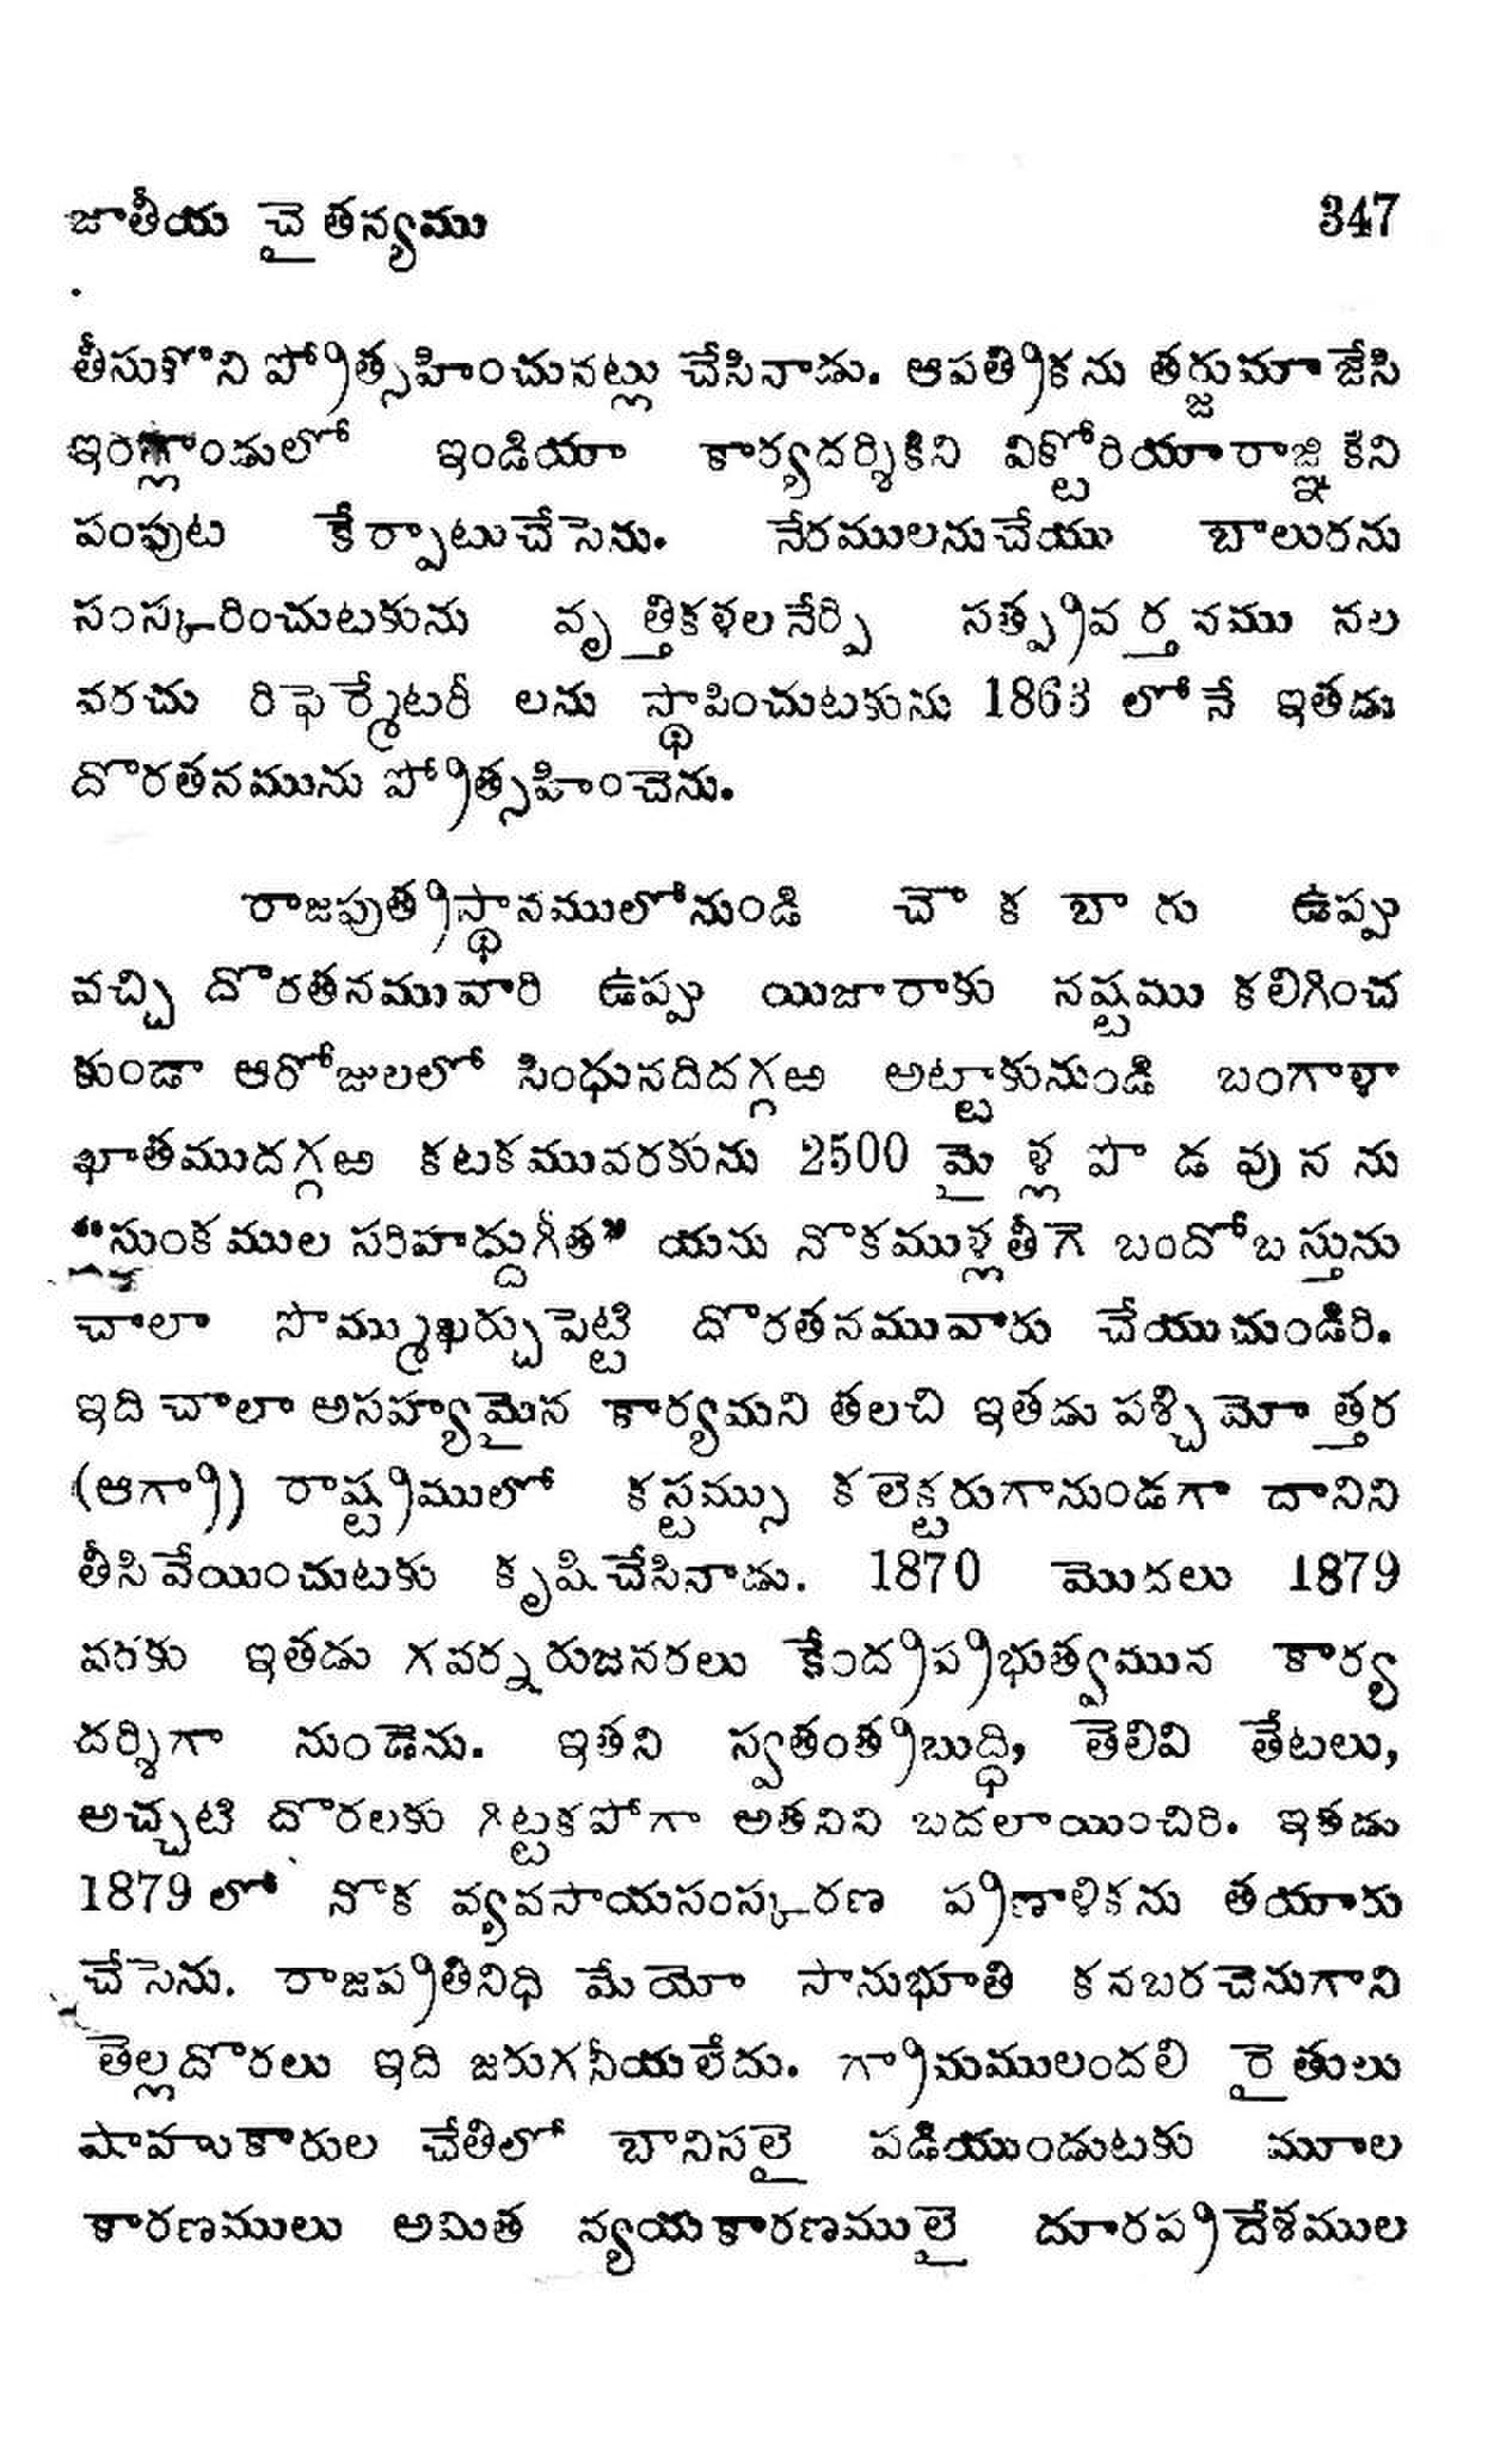తీసుకొని పోత్సహించునట్లు చేసినాడు. ఆపత్రికను తర్జుమాజేసి ఇంగ్లాండులో ఇండియా కార్యదర్శికిని విక్టోరియారాజ్ఞికిని పంపుట కేర్పాటుచేసెను. నేరములనుచేయు బాలురను సంస్కరించుటకును వృత్తికళలనేర్పి సత్ప్రవర్తనము నలవరచు రిఫెర్మేటరీ లను స్థాపించుటకును 1863 లో నే ఇతడు దొరతనమును ప్రోత్సహించెను.

రాజపుత్రస్థానములోనుండి చౌక బారు ఉప్పు వచ్చి దొరతనమువారి ఉప్పు యిజారాకు నష్టము కలిగించకుండా ఆరోజులలో సింధునదిదగ్గఱ అట్టాకునుండి బంగాళాఖాతముదగ్గఱ కటకమువరకును 2500 మైళ్ల పొడవునను “సుంకముల సరిహద్దుగీత" యను నొకముళ్లతీగె బందోబస్తును చాలా సొమ్ముఖర్చుపెట్టి దొరతనమువారు చేయుచుండిరి. ఇది చాలా అసహ్యమైన కార్యమని తలచి ఇతడు పశ్చిమోత్తర (ఆగ్రా) రాష్ట్రములో కస్టమ్సు కలెక్టరుగానుండగా దానిని తీసివేయించుటకు కృషిచేసినాడు. 1870 మొదలు 1879 వరకు ఇతడు గవర్నరుజనరలు కేంద్రప్రభుత్వమున కార్యదర్శిగా నుండెను. ఇతని స్వతంత్రబుద్ది, తెలివి తేటలు, అచ్చటి దొరలకు గిట్టకపోగా అతనిని బదలాయించిరి. ఇతడు 1879 లో నొక వ్యవసాయ సంస్కరణ ప్రణాళికను తయారు చేసెను. రాజప్రతినిధి మేయో సానుభూతి కనబరచెనుగాని తెల్లదొరలు ఇది జరుగనీయలేదు. గ్రామములందలి రైతులు షాహుకారుల చేతిలో బానిసలై పడియుండుటకు మూలకారణములు అమిత వ్యయకారణములై దూరప్రదేశముల